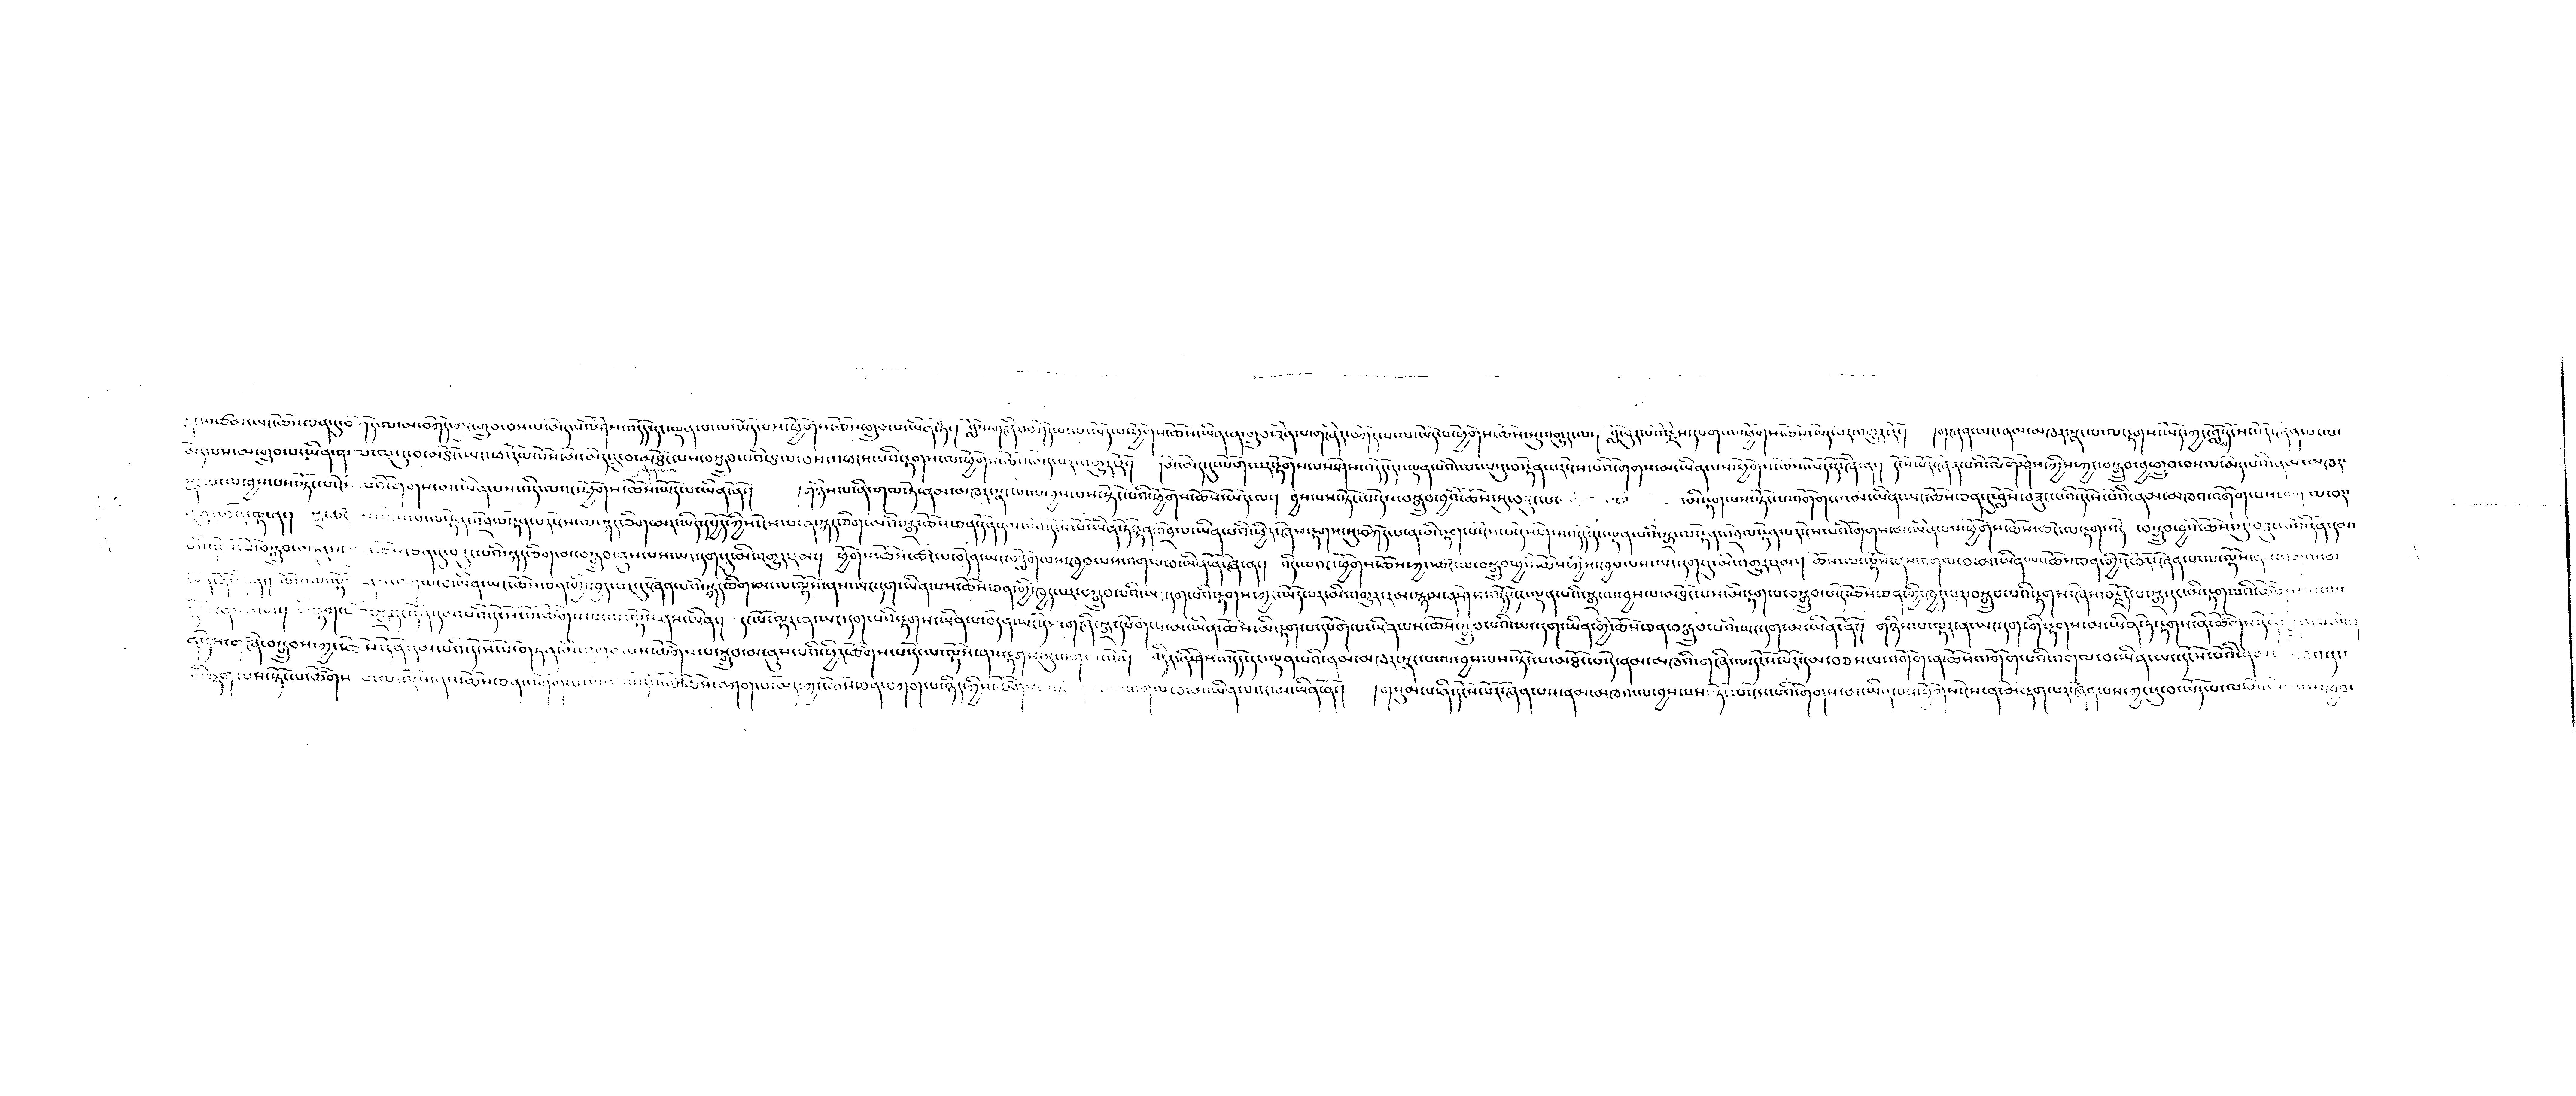སྣང?་པ་ཙམ་ཡང་ཆོས་ལན་དུ་བཀོད་ལ་མ་བཀོད་ཀྱང་གྲུབ་བསལ་མེད་པའི་ཤེས་འདོད་དང་ལྡན་པ་ལ་ཡོད་པས་ཕྱོགས་ཆོས་གྲུབ་པ་ཡིན་ཏེ། བློས་གཞིར་བཀོད་པ་ལ་ཡོད་པ་ཕྱོགས་ཆོས་ཡིན་ན་གྲུབ་ཟིན་པ་གཞིར་བཀོད་པ་ལ་ཡོད་པ་ཕྱོགས་ཆོས་སུ་འགྱུར་ལ། བློ་བུར་པའི་རྗེས་དཔག་ལ་ཕྱོགས་ཆོས་ཡོད་པར་འགྱུར་རོ། །གཞན་ཡང་ནམ་མཁར་སྣང་པ་ལ་རྟགས་ཡོད་ཀྱང་བློས་དངོས་པོར་ཞེན་པ་ལ་
མེད་པས་མ་གྲུབ་པ་ཡིན་ན་པ་ལ་དུ་བ་མཐོང་ཡང་ཕ་རོལ་པོས་མེ་མེད་དུ་བ་མཐོང་པས་བསྒྲུབ་པའི་ཐལ་བསང་འཕངས་པའི་རྟགས་ལ་ཕྱོགས་ཆོས་མེད་པར་འགྱུར་རོ། །མེ་མེད་དུ་ལོག་པར་རྟོགས་པས་ཤེས་འདོད་དང་ལྡན་པའི་ལང་པ་དུ་བ་རྟེན་པར་ངེས་པའི་གོགས་མ་ཡིན་པས་ཕྱོགས་ཆོས་ཡོད་དོ་ཞེ་ན། དངོས་པོར་ཞེན་པའི་ལོག་ཤེས་ཀྱིས་ཀྱང་བསྒྲུབ་བྱ་གྲུབ་བསལ་མེད་པའི་ནམ་མཁར་
སྣང་པ་ལ་བྱས་པས་སྟོང་པ་ངེས་པའི་གེགས་མ་ཡིན་པས་འདི་ལའང་ཕྱོགས་ཆོས་ཡོད་པ་ཡིན་ནོ། །གཉིས་པ་ནི་གལ་ཏེ་ནམ་མཁར་སྣང་བང་ལ་བྱས་པས་སྟོང་པའི་ཕྱོགས་ཆོས་ཡོད་ལ། བྱས་པས་སྟོང་པ་དེས་བསྒྲུབ་བྱའི་ཆོས་སུ་བཟུང་པ?་?་མི་རྟག་པས་སྟོང་པ་འགོག་པ་མ་ཡིན་ཡང་ཆོས་ཅན་དུ་བློས་བཟུང་པའི་དངོས་པོའི་ནམ་མཁའ་འགོག་པས་འགལ་བར་
??་ལྟ་ན། སྒྲ་ཚད?་?པ་ལ་རྟེན་འབྲེལ་རྟེན་པར་ངེས་ལ་སྐད་ཅིག་མར་ཡིད་དཔྱོད་ཀྱིས་ངེས་པ་ན་སྐད་ཅིག་མའི་སྒྲ་ཆོས་ཅན་དོན་དམ་པའི་དངོས་པོ་ཡིན་ཏེ་རྟེན་འབྲེལ་ཡིན་པའི་ཕྱིར་ཞེས་རྟགས་སུ་བཀོད་པ་ན་མི་རྟག་པ་ངེས་པ་དེས་ཤེས་པ་འདོད་དང་ལྡན་པའི་སྒྲ་ལ་རྟེན་འབྲེལ་རྟེན་པར་ངེས་པའི་གེགས་མ་ཡིན་པས་ཕྱོགས་ཆོས་ཚང་ལ་རྟགས་དེ་བསྒྲུབ་བྱའི་ཆོས་སུ་བཟུང་པའི་དོན་དམ་
པའི་དངོས་པོ་བསྒྲུབ་མ་ནུས?་ཆོས་ཅན་དུ་བཟུང་པའི་སྐད་ཅིག་མ་བསྒྲུབ་ནུས་པས་ཡང་དག་དུ་མི་འགྱུར་རམ། ཕྱོགས་ཆོས་ཚང་པ་བདེན་ཡང་བཟློག་པས་ཁྱབ་པས་འགལ་བ་ཡིན་ནོ་ཞེ་ན། འདི་ལའང་ཕྱོགས་ཆོས་ཀྱང་ཚང་མ་བསྒྲུབ་བྱའི་ཆོས་ཀྱིས་ཁྱབ་པས་ཡང་དག་དུ་མི་འགྱུར་རམ། ཆོས་ལ་ལྟོས་ནས་འགལ་བ་མ་ཡིན་ཡང་ཆོས་ཅན་གྱི་ངོ་བར་ཞེན་པ་ལ་ལྟོས་ནས་འགལ?
?་?། ཆོས་ལ་ལྟོ?་?་ཤེས་འགལ་བ་ཡིན་ཡང་ཆོས་ཅན་གྱི་ཁྱད་པར་དུ་ཞེན་པའི་སྐད་ཅིག་མ་ལ་ལྟོས་ནས་ཡང་དག་ཡིན་པས་ཆོས་ཅན་གྱི་ཁྱད་པར་བསྒྲུབ་པའི་ཡང་དག་པའི་རྟགས་ཀྱང་ཡོད་པར་མི་འགྱུར་རམ་སྙམ་ན་ཤེས་འདོད་དང་ལྡན་པའི་སྒྲ་ལ་བྱས་པ་མཐོང་པས་མི་རྟག་པ་བསྒྲུབ་པ་དེ་ཆོས་ཅན་གྱི་ཁྱད་པར་བསྒྲུབ་པའི་རྟགས་ཞེས་བརྗོད་པ་སྒྲ་དང་མི་རྟག་པའི་ཚོགས་པ?་ལ་
ལྟོས་??། མི་རྟག་པའི?་སྒྲ་དང་དོན་དམ་པའི་དངོས་པོ་ཚོགས་པ་ལ་ལྟོས་ནས་ཡིན། དང་པོ་ལྟར་ན་ཡང་དག་པའི་རྟགས་ཡིན་པ་བདེན་ཡང་དེ?་གཞི་སྒྲ་དཔོག་པ་མ་ཡིན་ཆོས་མི་རྟག་པ་དཔོག་པ་ཡིན་པས་ཆོས་སྒྲུབ་པའི་ཡང་དག་ཡིན་གྱི་ཆོས་ཅན་བསྒྲུབ་པའི་ཡང་དག་མ་ཡིན་ནོ། གཉིས་པ་ལྟར་ན་ཡང་དག་གི་རྟགས་མ་ཡིན་ཏེ་རྟགས་ནི་ཚོགས་དོན་?་པ་ཡིན་
ན་དེས་གཞི་བསྒྲུབས་ཀྱང་ཆོས་དོན་དམ་པའི་དངོས་པོ་གཏན་མི་འགྲུབ་པས་ཚོགས་པ་སྒྲུབ་མ་ནུས་པའི་ཕྱིར་ཚོགས་པ་དེ་ལ་ལྟོས་ནས་རྟགས་སུ་འགལ་པའོ། འདིར་ནི་ཤེས་འདོད་དང་ལྡན་པའི་ནམ་མཁར་སྣང་པ་ལ་བྱས་པས་སྟོང་པ་མཐོང་པ་དེ་ནམ་མཁའི་གཞི་ལ་དངོས་པོར་དམ་བཅས་པ་འགོག་ན་ཆོས་འགོག་པའི་འགལ་བ་ཡིན་ཡང་དངོས་པོའི་ནམ་མཁའ་དང་
མི་རྟག་པས་སྟོང་པ་ཚོགས་པ་ལ་ལྟོས་ནས་ཆོས་ཅན་འགོག་པ་?་ཆོས་བཀག་པ་མེད་ཀྱང་ཆོས་ཅན་བཀག་པ་ཉིད་ཀྱིས་ཚོགས་པ??་འགལ་བ་མ་ཡིན་པའང་མ་ཡིན་ནོ། །གསུམ་པ་ནི་དངོས་པོར་ཞེན་པས་ནམ་མཁའ་ལ་བྱས་པས་སྟོང་པ་ངེས་པའི་གེགས་མ་ཡིན་པས་ཕྱོགས་ངེས་ན་མེ་རྟག་པར་ཞེན་པས་ཀྱང་དུ་བ་ཡོད་པ་ལ་??